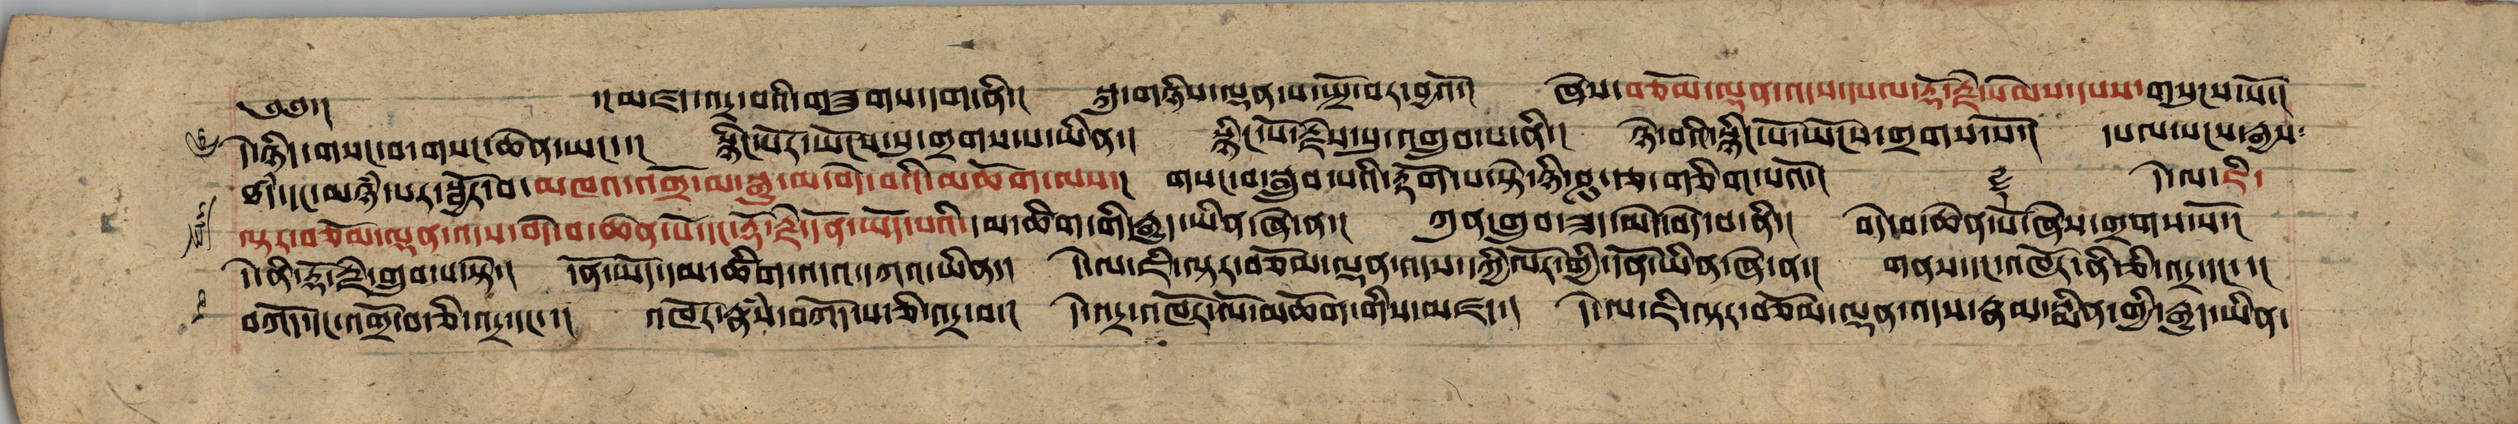༄༅་། ་།མཛད་འདྲ་བའི་གཟུགས་དག་ནི་། སྐུ་གཉིས་ལྡན་པ་སྤྲོ་བར་བྱའོ་། ཞེས་བཅོམ་ལྡན་འདས་དཔལ་རྡོ་རྗེ་སེམས་དཔས་གསུངས་སོ་།
དེ་ཉིད་གསང་བ་གསང་ཆེན་ཡང་་། སྙིང་པོར་ཡོངས་སུ་གྲགས་པ་ཡིན་། སྙིང་པོ་རྗེས་སུ་འགྲུབ་པ་ནི་། ཉེ་བའི་སྙིང་པོ་ཡོངས་གྲགས་སོ་། དཔལ་སངས་རྒྱས་
ཐདཾ་དང་མཉཾ་པར་སྦྱོར་བ་མཁའ་འགྲོ་མ་སྒྱུ་མ་བདེ་བའི་མཆོག་ལས་། གསང་བ་སྒྲུབ་པའི་རྟོག་པ་སྟེ་ཉི་ཤུ་རྩ་གཅིག་པའོ་། ࿑ དེ་ལ་ཇི་
ལྟར་བཅོམ་ལྡན་འདས་བདེ་བ་ཆེན་པོ་དང་རྡོ་རྗེ་དོན་ཡོད་པའི་དམ་ཚིག་གི་རྒྱུད་ཡིན་ཞེ་ན་། ཀུན་གྲུབ་ཟད་མེད་བདེ་བ་ནི་། བདེ་བ་ཆེན་པོ་ཞེས་གྲགས་སོ་།
དེ་ནི་རྡོ་རྗེ་གྲུབ་པ་སྟེ་། དོན་ཡོད་དམ་ཚིག་འདའ་དཀའ་ཡིན་། དེ་ལ་ཇི་ལྟར་བཅོམ་ལྡན་འདས་དཀྱིལོར་གྱི་དོན་ཡིན་ཞེ་ན་། གནས་དང་འཁོར་ནི་ཅི་འདྲ་དང་་།
བཀོད་དང་འགྲོ་བ་ཅི་འདྲ་དང་་། འཁོར་རྣཾས་བཀོད་པ་ཅི་འདྲ་བ་། དེ་འདྲ་འཁོར་ལོ་མཆོག་གིས་མཛད་། དེ་ལ་ཇི་ལྟར་བཅོམ་ལྡན་འདས་རྣམ་སྨིན་གྱི་རྒྱུད་ཡིན་